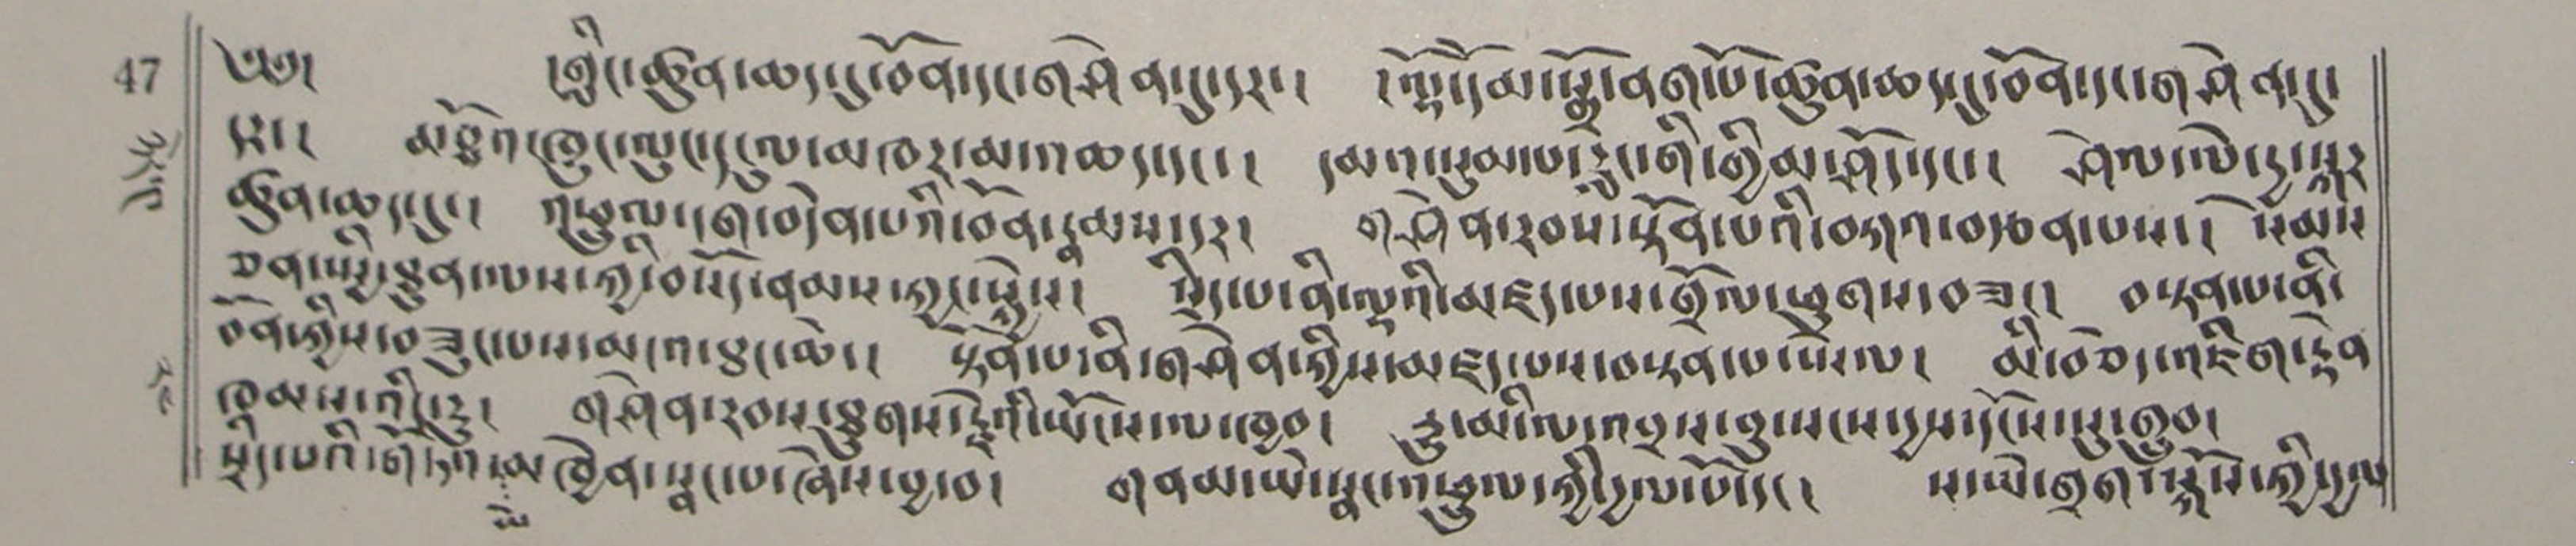༄༅། །གླིང་ཚུན་ཆད་དུ་བོན་དང་གཤེན་དར། ལྷོ་དོམ་སྒྲོ་ནག་པོ་ཚུན་ཆད་དུ་བོན་དང་གཤེན་
དར། མཐོའ་ཁྱུང་ལུང་དངུལ་མཁར་མན་ཆད་དང་། དམའ་སུམ་པ་རླང་གི་གྱིམ་ཤོད་དང་། ཤེལ་ལེ་རྒྱ་གར་(སྐར)
ཚུན་ཆད་དུ། འཕྲུལ་ངག་བདེན་པའི་བོན་རྣམས་དར། གཤེན་རབ་སྟོན་པའི་བཀའ་སྩལ་པས། སེམས་
ཅན་སྤྱི་མཐུན་ལས་ཀྱི་བསོད་ནམས་ཀྱང་སྐྱེས། སྲིད་པ་ནི་ལྷའི་མཛད་པས་གྲོལ་ཕུགས་བཟང་། བསྟན་པ་ནི་
བོན་གྱིས་བཟུང་བས་མངའ་ཐང་ཆེ། སྟོན་པ་ནི་གཤེན་གྱིས་མཛད་པས་བསྟན་པ་སྤེལ། མི་བཅེད་འཇིག་རྟེན་
ཁམས་འདི་རུ། གཤེན་རབ་ཐུགས་རྗེས་ཡོངས་ལ་ཁྱབ། རྒྱུ་མི་ལ་འབྲས་བུ་སངས་རྒྱས་དངོས་སུ་གྲུབ། 
སྲིད་པའི་གཏོའ་ཡེ་མཁྱེན་སྣང་པ་ཞེས་བྱ་བ། གནམ་ཡེ་སྣང་འཕྲུལ་གྱི་རྒྱལ་བོ་དང་། ས་ཡེ་གྲག་སྐོས་ཀྱི་རྒྱལ་